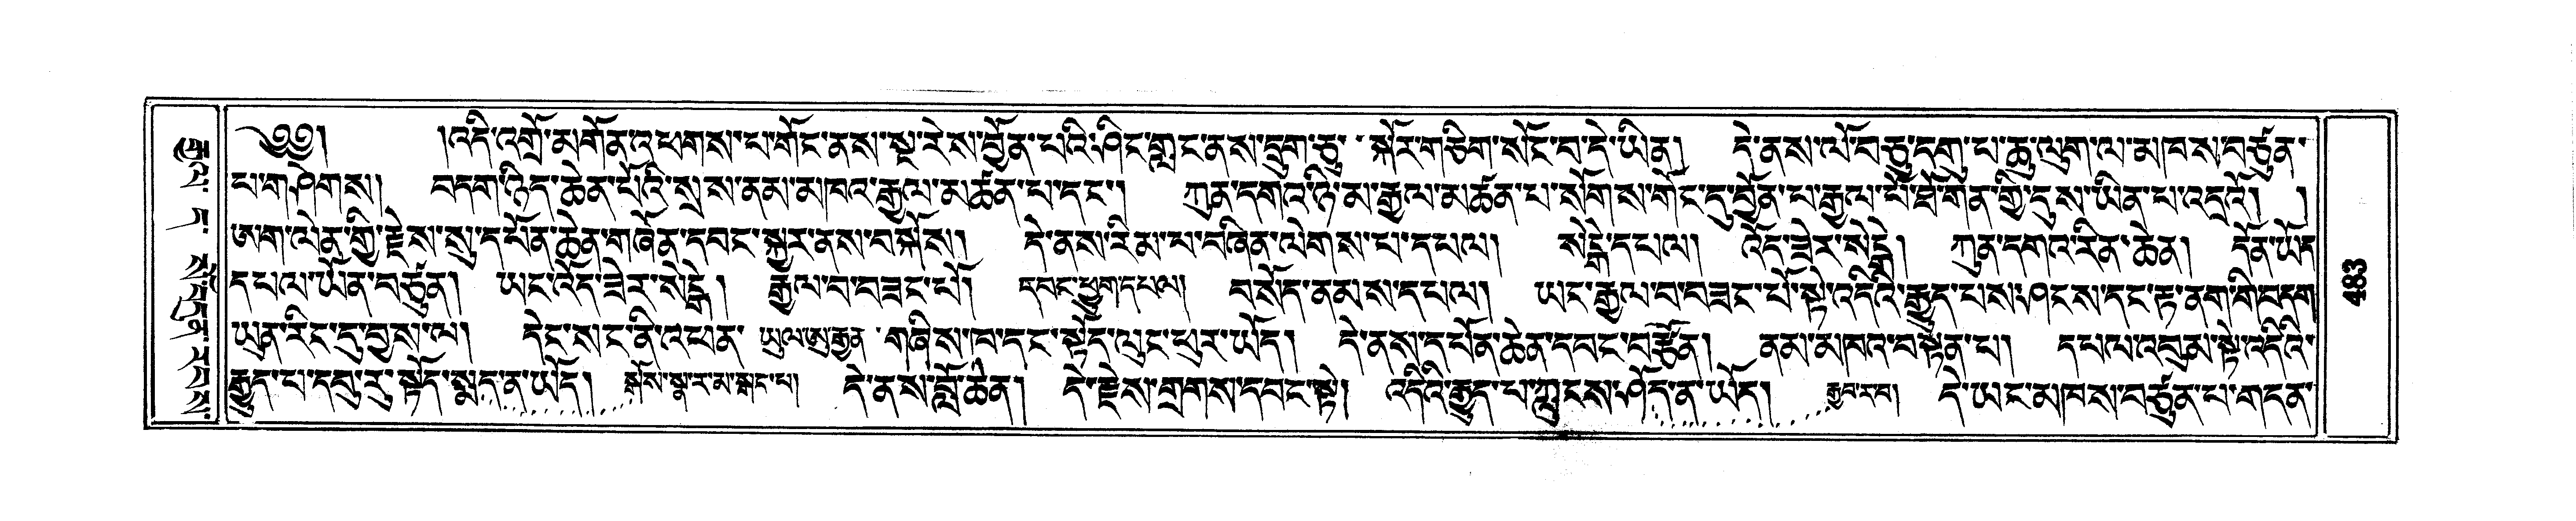༄༅། །འདི་འགྲོ་མགོན་འཕགས་པ་གོང་ནས་སྔ་རེས་བྱོན་པའི་ཤིང་གླང་ནས་དྲུག་ཅུ་སྐོར་གཅིག་སོང་བ་དེ་ཡིན། དེ་ནས་ལོ་བཅུ་དགུ་པ་ཆུ་ལུག་ལ་མཁས་བཙུན་
པ་གཤེགས། བདག་ཉིད་ཆེན་པོའི་སྲས་ནམ་མཁའ་རྒྱལ་མཚན་པ་དང་། ཀུན་དགའ་ཉི་མ་རྒྱལ་མཚན་པ་སོགས་གོང་དུ་བྱོན་པ་རྒྱལ་པོ་ཐོ་གན་གྱི་དུས་ཡིན་པ་འདྲའོ། །
ཨག་ལེན་གྱི་རྗེས་སུ་དཔོན་ཆེན་གཞོན་དབང་སྐྱར་ནས་བསྐོས། དེ་ནས་རིམ་པ་བཞིན་ལེགས་པ་དཔལ། སེངྒེ་དཔལ། འོད་ཟེར་སེངྒེ། ཀུན་དགའ་རིན་ཆེན། དོན་ཡོད་
དཔལ་ཡོན་བཙུན། ཡང་འོད་ཟེར་སེངྒེ། རྒྱལ་བ་བཟང་པོ། དབང་ཕྱུག་དཔལ། བསོད་ནམས་དཔལ། ཡང་རྒྱལ་བ་བཟང་པོ་སྟེ་འདིའི་རྒྱུད་པས་ཤངས་དང་རྟ་ནག་གི་བདག་
ཡུན་རིང་དུ་བྱས་ལ། དེང་སང་ནི་འཕན་ཡུལ་ཨུ་རྒྱན་གཞིས་ཁ་དང་སྟོད་ལུང་ཕུར་ཡོད། དེ་ནས་དཔོན་ཆེན་དབང་བརྩོན། ནམ་མཁའ་བསྟན་པ། དཔལ་འབུམ་སྟེ་འདིའི་
རྒྱུད་པ་དབུ་རུ་སྟོད་སྨད་ན་ཡོད། སྒོས་སྣ་ར་མ་སྒང་པ།  དེ་ནས་བློ་ཆེན། དེ་རྗེས་གྲགས་དབང་སྟེ། འདིའི་རྒྱུད་པ་ཀླུངས་ཤོད་ན་ཡོད། རྒྱབ་ར་བ།  དེ་ཡང་མཁས་བཙུན་པ་གདན་